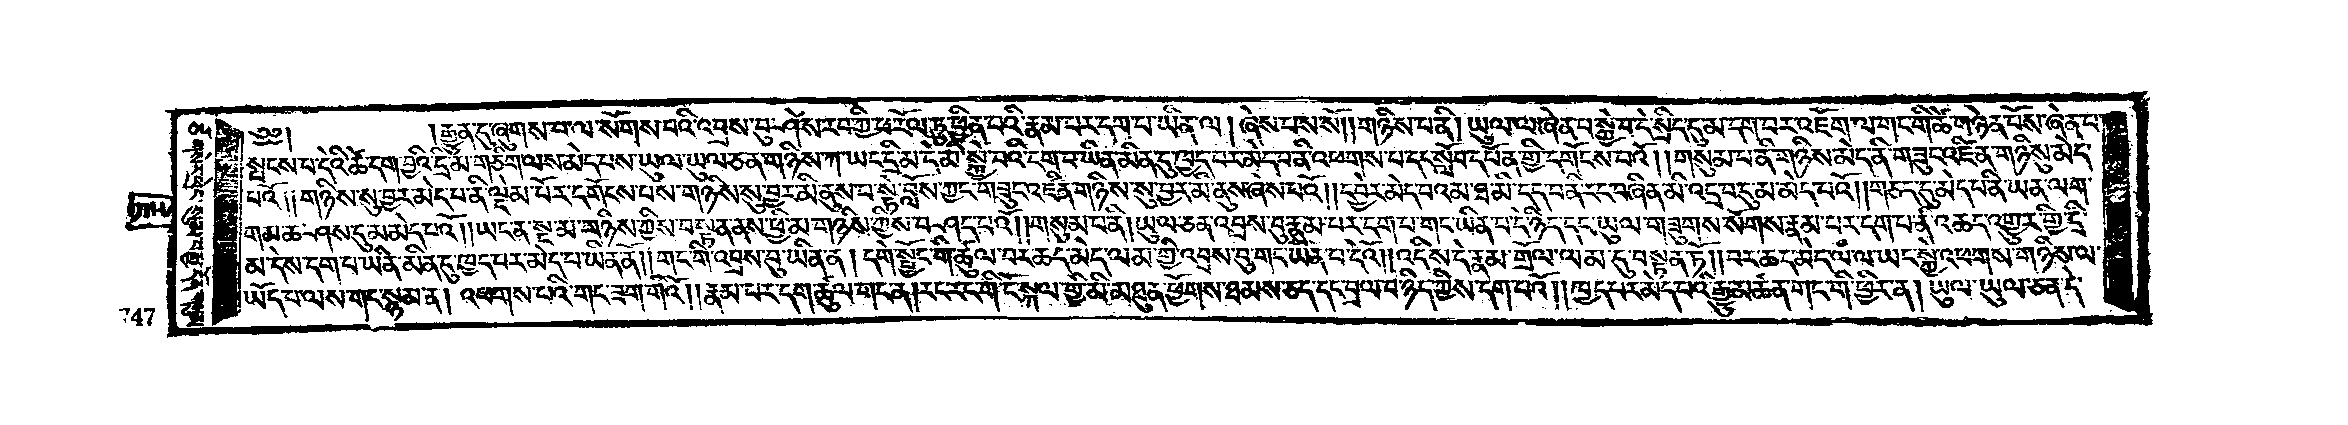༄༅། །རྒྱུན་དུ་ཞུགས་པ་ལ་སོགས་པའི་འབྲས་བུ་ཤེས་རབ་ཀྱི་ཕ་རོལ་ཏུ་ཕྱིན་པའི་རྣམ་པར་དག་པ་ཡིན་ལ། ཞེས་པས་སོ། །གཉིས་པ་ནི། ཡུལ་ལ་ཞེན་པ་སྐྱེ་བ་དེ་སྲིད་དུ་མ་དག་པར་འཇོག་ལ་གང་གི་ཚེ་གཉེན་པོས་ཞེན་པ་
སྤངས་པ་དེའི་ཚེ་དག་བྱའི་དྲི་མ་གཅིག་ལས་མེད་པས་ཡུལ་ཡུལ་ཅན་གཉིས་ཀ་ཡང་དྲི་མ་དེ་མི་སྐྱེ་བའི་དག་པ་ཡིན་མིན་དུ་ཁྱད་པར་མེད་པ་ནི་འཕགས་པ་དང་སློབ་དཔོན་གྱི་དགོངས་པའོ། །གསུམ་པ་ནི་གཉིས་མེད་ནི་གཟུང་འཛིན་གཉིས་སུ་མེད་
པའོ། །གཉིས་སུ་བྱར་མེད་པ་ནི་ལྡེམ་པོར་དགོངས་པས་གཉིས་སུ་བྱར་མི་ནུས་པ་སྟེ་བློས་ཀྱང་གཟུང་འཛིན་གཉིས་སུ་བྱར་མི་ནུས་ཞེས་པའོ། །དབྱེར་མེད་པའམ་ཐ་མི་དད་པ་ནི་རང་བཞིན་མི་འདྲ་བ་དུ་མ་མེད་པའོ། །གཅད་དུ་མེད་པ་ནི་ཡན་ལག་
གམ་ཆ་ཤས་དུ་མ་མེད་པའོ། །ཡང་ན་སྔ་མ་གཉིས་ཀྱིས་བསྟན་ནས་ཕྱི་མ་གཉིས་ཀྱིས་བཤད་པའོ། །གསུམ་པ་ནི། ཡུལ་ཅན་འབྲས་བུ་རྣམ་པར་དག་པ་གང་ཡིན་པ་དེ་ཉིད་དང་ཡུལ་གཟུགས་སོགས་རྣམ་པར་དག་པ་ནི་འཆད་འགྱུར་གྱི་དྲི་
མ་དེས་དག་པ་ཡིན་མིན་དུ་ཁྱད་པར་མེད་པ་ཡིན་ནོ། །གང་གི་འབྲས་བུ་ཡིན་ན། དགེ་སྦྱོང་གི་ཚུལ་བར་ཆད་མེད་ལམ་གྱི་འབྲས་བུ་གང་ཡིན་པ་དེའོ། །འདིས་དེ་རྣམ་གྲོལ་ལམ་དུ་བསྟན་ཏོ། །བར་ཆད་མེད་ལམ་ལ་ཡང་སྐྱེ་འཕགས་གཉིས་ལ་
ཡོད་པ་ལས་གང་སྙམ་ན། འཕགས་པའི་གང་ཟག་གིའོ། །རྣམ་པར་དག་ཚུལ་གང་ན། རང་རང་གི་ངོ་སྐལ་གྱི་མི་མཐུན་ཕྱོགས་ཐམས་ཅད་དང་བྲལ་བ་ཉིད་ཀྱིས་དག་པའོ། །ཁྱད་པར་མེད་པའི་རྒྱུ་མཚན་གང་གི་ཕྱིར་ན། ཡུལ་ཡུལ་ཅན་དེ་